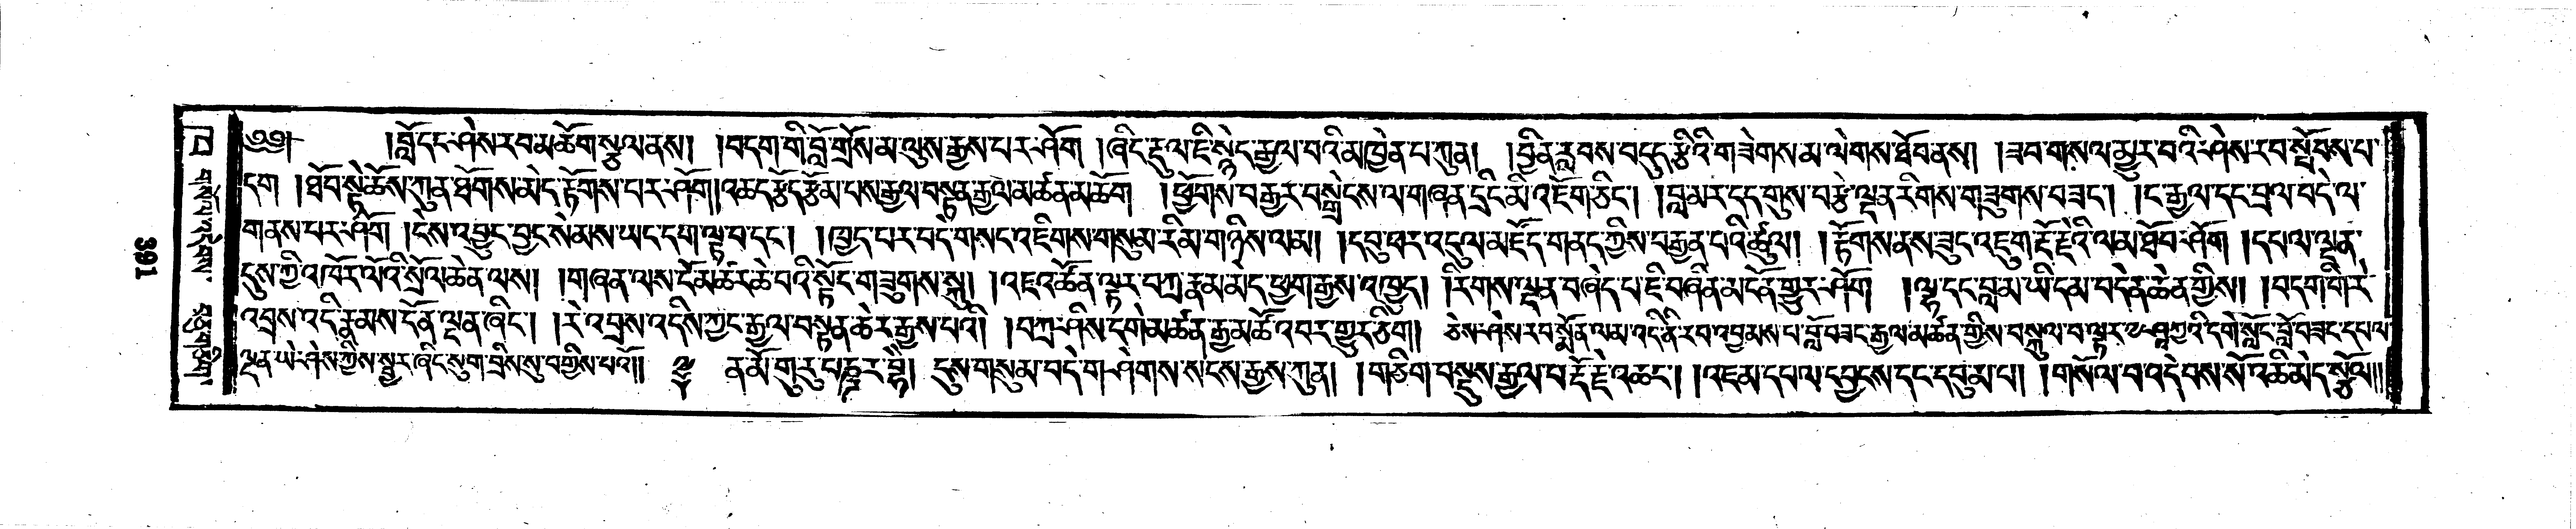༄༅། །བློ་དང་ཤེས་རབ་མཆོག་སྩལ་ནས། །བདག་གི་བློ་གྲོས་མ་ལུས་རྒྱས་པར་ཤོག །ཞིང་རྡུལ་ཇི་སྙེད་རྒྱལ་བའི་མཁྱེན་པ་ཀུན། །བྱིན་རླབས་བདུད་རྩིའི་གཟེགས་མ་ལེགས་ཐོབ་ནས། །ཟབ་གསལ་མྱུར་བའི་ཤེས་རབ་སྤོབས་པ་
དག །ཐོབ་སྟེ་ཆོས་ཀུན་ཐོགས་མེད་རྟོགས་པར་ཤོག །འཆད་རྩོད་རྩོམ་པས་རྒྱལ་བསྟན་རྒྱལ་མཚན་མཆོག །ཕྱོགས་བརྒྱར་བསྒྲེངས་ལ་གཞན་དྲིང་མི་འཇོག་ཅིང་། །བླ་མར་དད་གུས་བརྩེ་ལྡན་རིགས་གཟུགས་བཟང་། །ང་རྒྱལ་དང་བྲལ་བདེ་ལ་
གནས་པར་ཤོག །ངེས་འབྱུང་བྱང་སེམས་ཡང་དག་ལྟ་བ་དང་། །ཁྱད་པར་བདེ་གསང་འཇིགས་གསུམ་རིམ་གཉིས་ལམ། །དབུ་ཕར་འདུལ་མཛོད་གནད་ཀྱིས་བརྒྱན་པའི་ཚུལ། །རྟོགས་ནས་ཟུང་འཇུག་རྡོ་རྗེའི་ལམ་ཐོབ་ཤོག །དཔལ་ལྡན་
དུས་ཀྱི་འཁོར་ལོའི་སྲོལ་ཆེན་ལས། །གཞན་ལས་ངོ་མཚར་ཆེ་བའི་སྟོང་གཟུགས་སྐུ། །འཇའ་ཚོན་ལྟར་བཀྲ་རྣམ་མེད་ཕྱག་རྒྱས་འཁྱུད། །རིགས་ལྡན་བཞེད་པ་ཇི་བཞིན་མངོན་གྱུར་ཤོག །ལྷ་དང་བླ་མ་ཡི་དམ་བདེན་ཆེན་གྱིས། །བདག་ག་རེ་
འབྲས་འདི་རྣམས་དོན་ལྡན་ཞིང་། །རེ་འབྲས་འདིས་ཀྱང་རྒྱལ་བསྟན་ཆེར་རྒྱས་པའི། །བཀྲ་ཤིས་དགེ་མཚན་རྒྱ་མཚོ་འབར་གྱུར་ཅིག། ཅེས་ཤེས་རབ་སྨོན་ལམ་འདི་ནི་རབ་འབྱམས་པ་བློ་བཟང་རྒྱལ་མཚན་གྱིས་བསྐུལ་བ་ལྟར་༧་ཤཱཀྱའི་དགེ་སློང་བློ་བཟང་དཔལ་
ལྡན་ཡེ་ཤེས་ཀྱིས་སྦྱར་ཞིང་སུག་བྲིས་སུ་བགྱིས་པའོ།། ༈ ན་མོ་གུ་རུ་པཎྜ་ར་བྷཻ། དུས་གསུམ་བདེ་གཤེགས་སངས་རྒྱས་ཀུན། །གཅིག་བསྡུས་རྒྱལ་བ་རྡོ་རྗེ་འཆང་། །འཇམ་དཔལ་དབྱངས་དང་དབུ་མ་པ། །གསོལ་བ་འདེབས་སོ་འཆི་མེད་སྩོལ།།